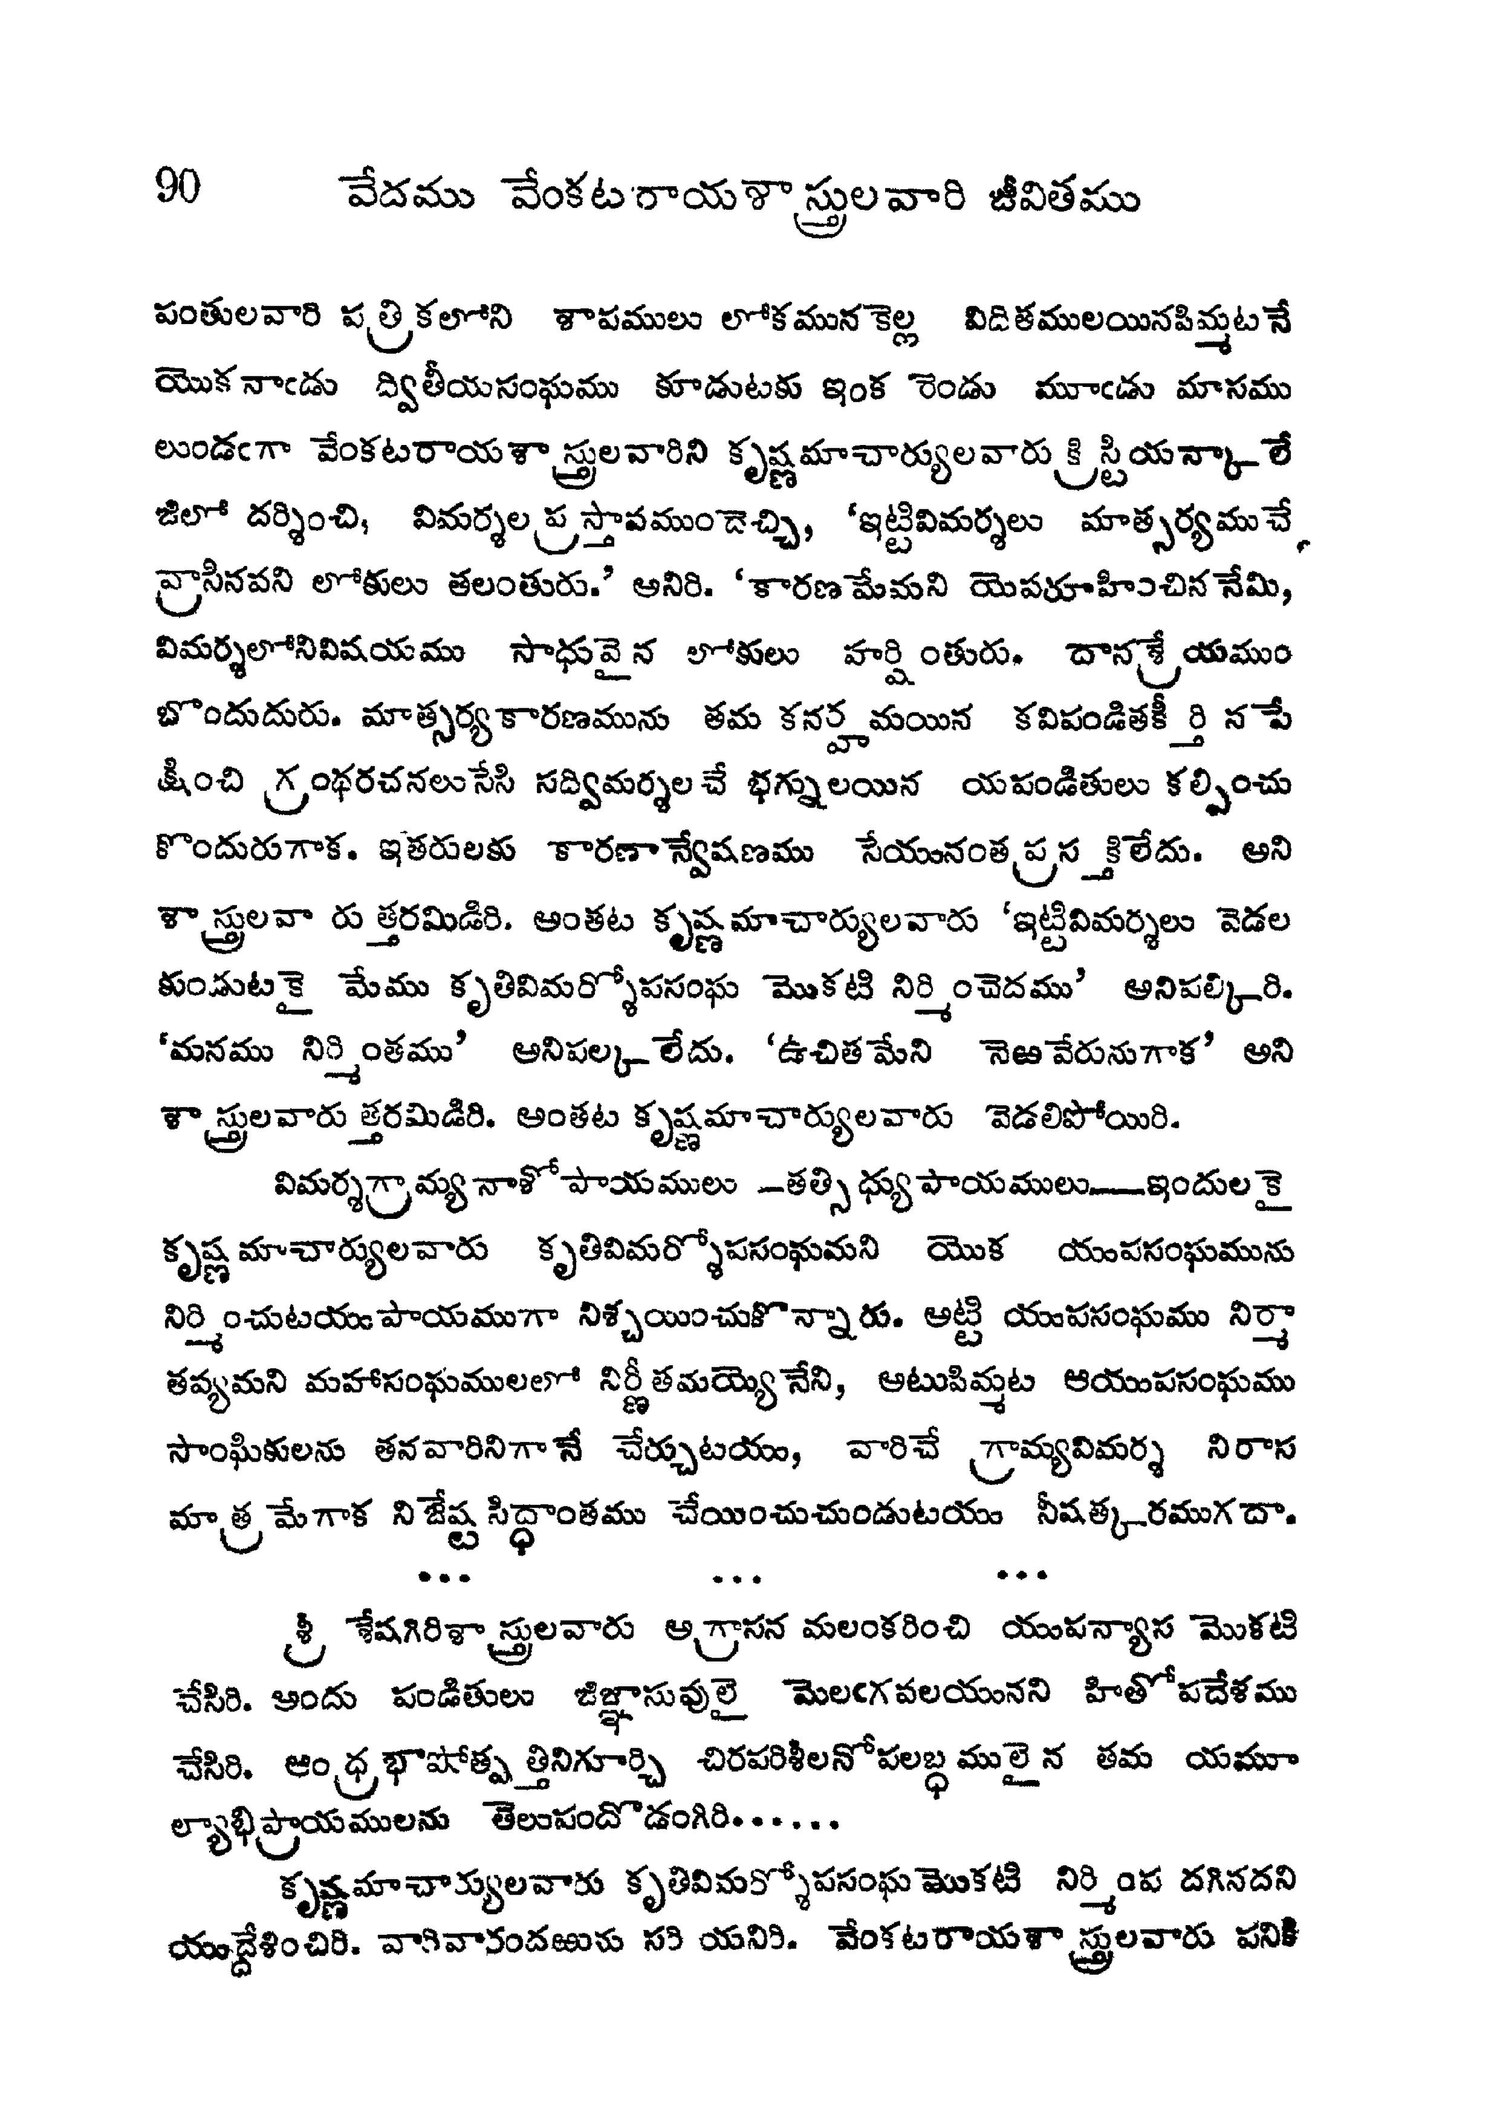పంతులవారి పత్రికలోని శాపములు లోకమునకెల్ల విదితములయినపిమ్మటనే యొకనాడు ద్వితీయసంఘము కూడుటకు ఇంక రెందు మూడు మాసములుండగా వేంకటరాయశాస్త్రులవారిని కృష్ణమాచార్యులవారు క్రిస్టియన్కాలేజిలో దర్శించి, విమర్శలప్రస్తావముందెచ్చి, 'ఇట్టివిమర్శలు మాత్సర్యముచే వ్రాసినవని లోకులు తలంతురు.' అనిరి. 'కారణమేమని యెవరూహించిననేమి, విమర్శలోనివిషయము సాధువైన లోకులు హర్షింతురు. దానశ్రేయముం బొందుదురు. మాత్సర్యకారణమును తమ కనర్హమయిన కవిపండితకీర్తి నపేక్షించి గ్రంథరచనలుసేసి సద్విమర్శలచే భగ్నులయిన యపండితులు కల్పించుకొందురుగాక. ఇతరులకు కారణాన్వేషణము సేయునంతప్రసక్తిలేదు. అని శాస్త్రులవా రుత్తరమిడిరి. అంతట కృష్ణమాచార్యులవారు 'ఇట్టివిమర్శలు వెడలకుండుటకై మేము కృతవిమర్శోపసంఘ మొకటి నిర్మించెదము' అనిపల్కిరి. 'మనము నిర్మింతము' అనిపల్కలేదు. 'ఉచితమేని నెఱవేరునుగాక' అని శాస్త్రులవారుత్తరమిడిరి. అంతట కృష్ణమాచార్యులవారు వెడలిపోయిరి.

విమర్శగ్రామ్యనాశోపాయములు - తత్సిధ్యుపాయములు - ఇందులకై కృష్ణమాచార్యులవారు కృతివిమర్శోపసంఘమని యొక యుపసంఘమును నిర్మించుటయుపాయముగా నిశ్చయించుకొన్నారు. అట్టి యుపసంఘము నిర్మాతవ్యమని మహాసంఘములలో నిర్ణీతమయ్యెనేని, అటుపిమ్మట ఆయుపసంఘము సాంఘికులను తనవారినిగానే చేర్చుటయు, వారిచే గ్రామ్యవిమర్శ నిరాస మాత్రమేగాక నిజేష్ట సిద్ధాంతము చేయించుచుండుటయు నీషత్కరముగదా.

శ్రీ శేషగిరిశాస్త్రులవారు అగ్రాసన మలంకరించి యుపన్యాస మొకటి చేసిరి. అందు పండితులు జిజ్ఞాసువులై మెలగవలయునని హితోపదేశము చేసిరి. ఆంధ్రభాషోత్పత్తినిగూర్చి చిరపరిశీలనోపలబ్ధములైన తమ యమూల్యాభిప్రాయములను తెలుపందొడంగిరి......

కృష్ణమాచార్యులవారు కృతివిమర్శోపసంఘమొకటి నిర్మింప దగినదని యుద్దేశించిరి. వారివారందఱును సరి యనిరి. వేంకటరాయశాస్త్రులవారు పనికి